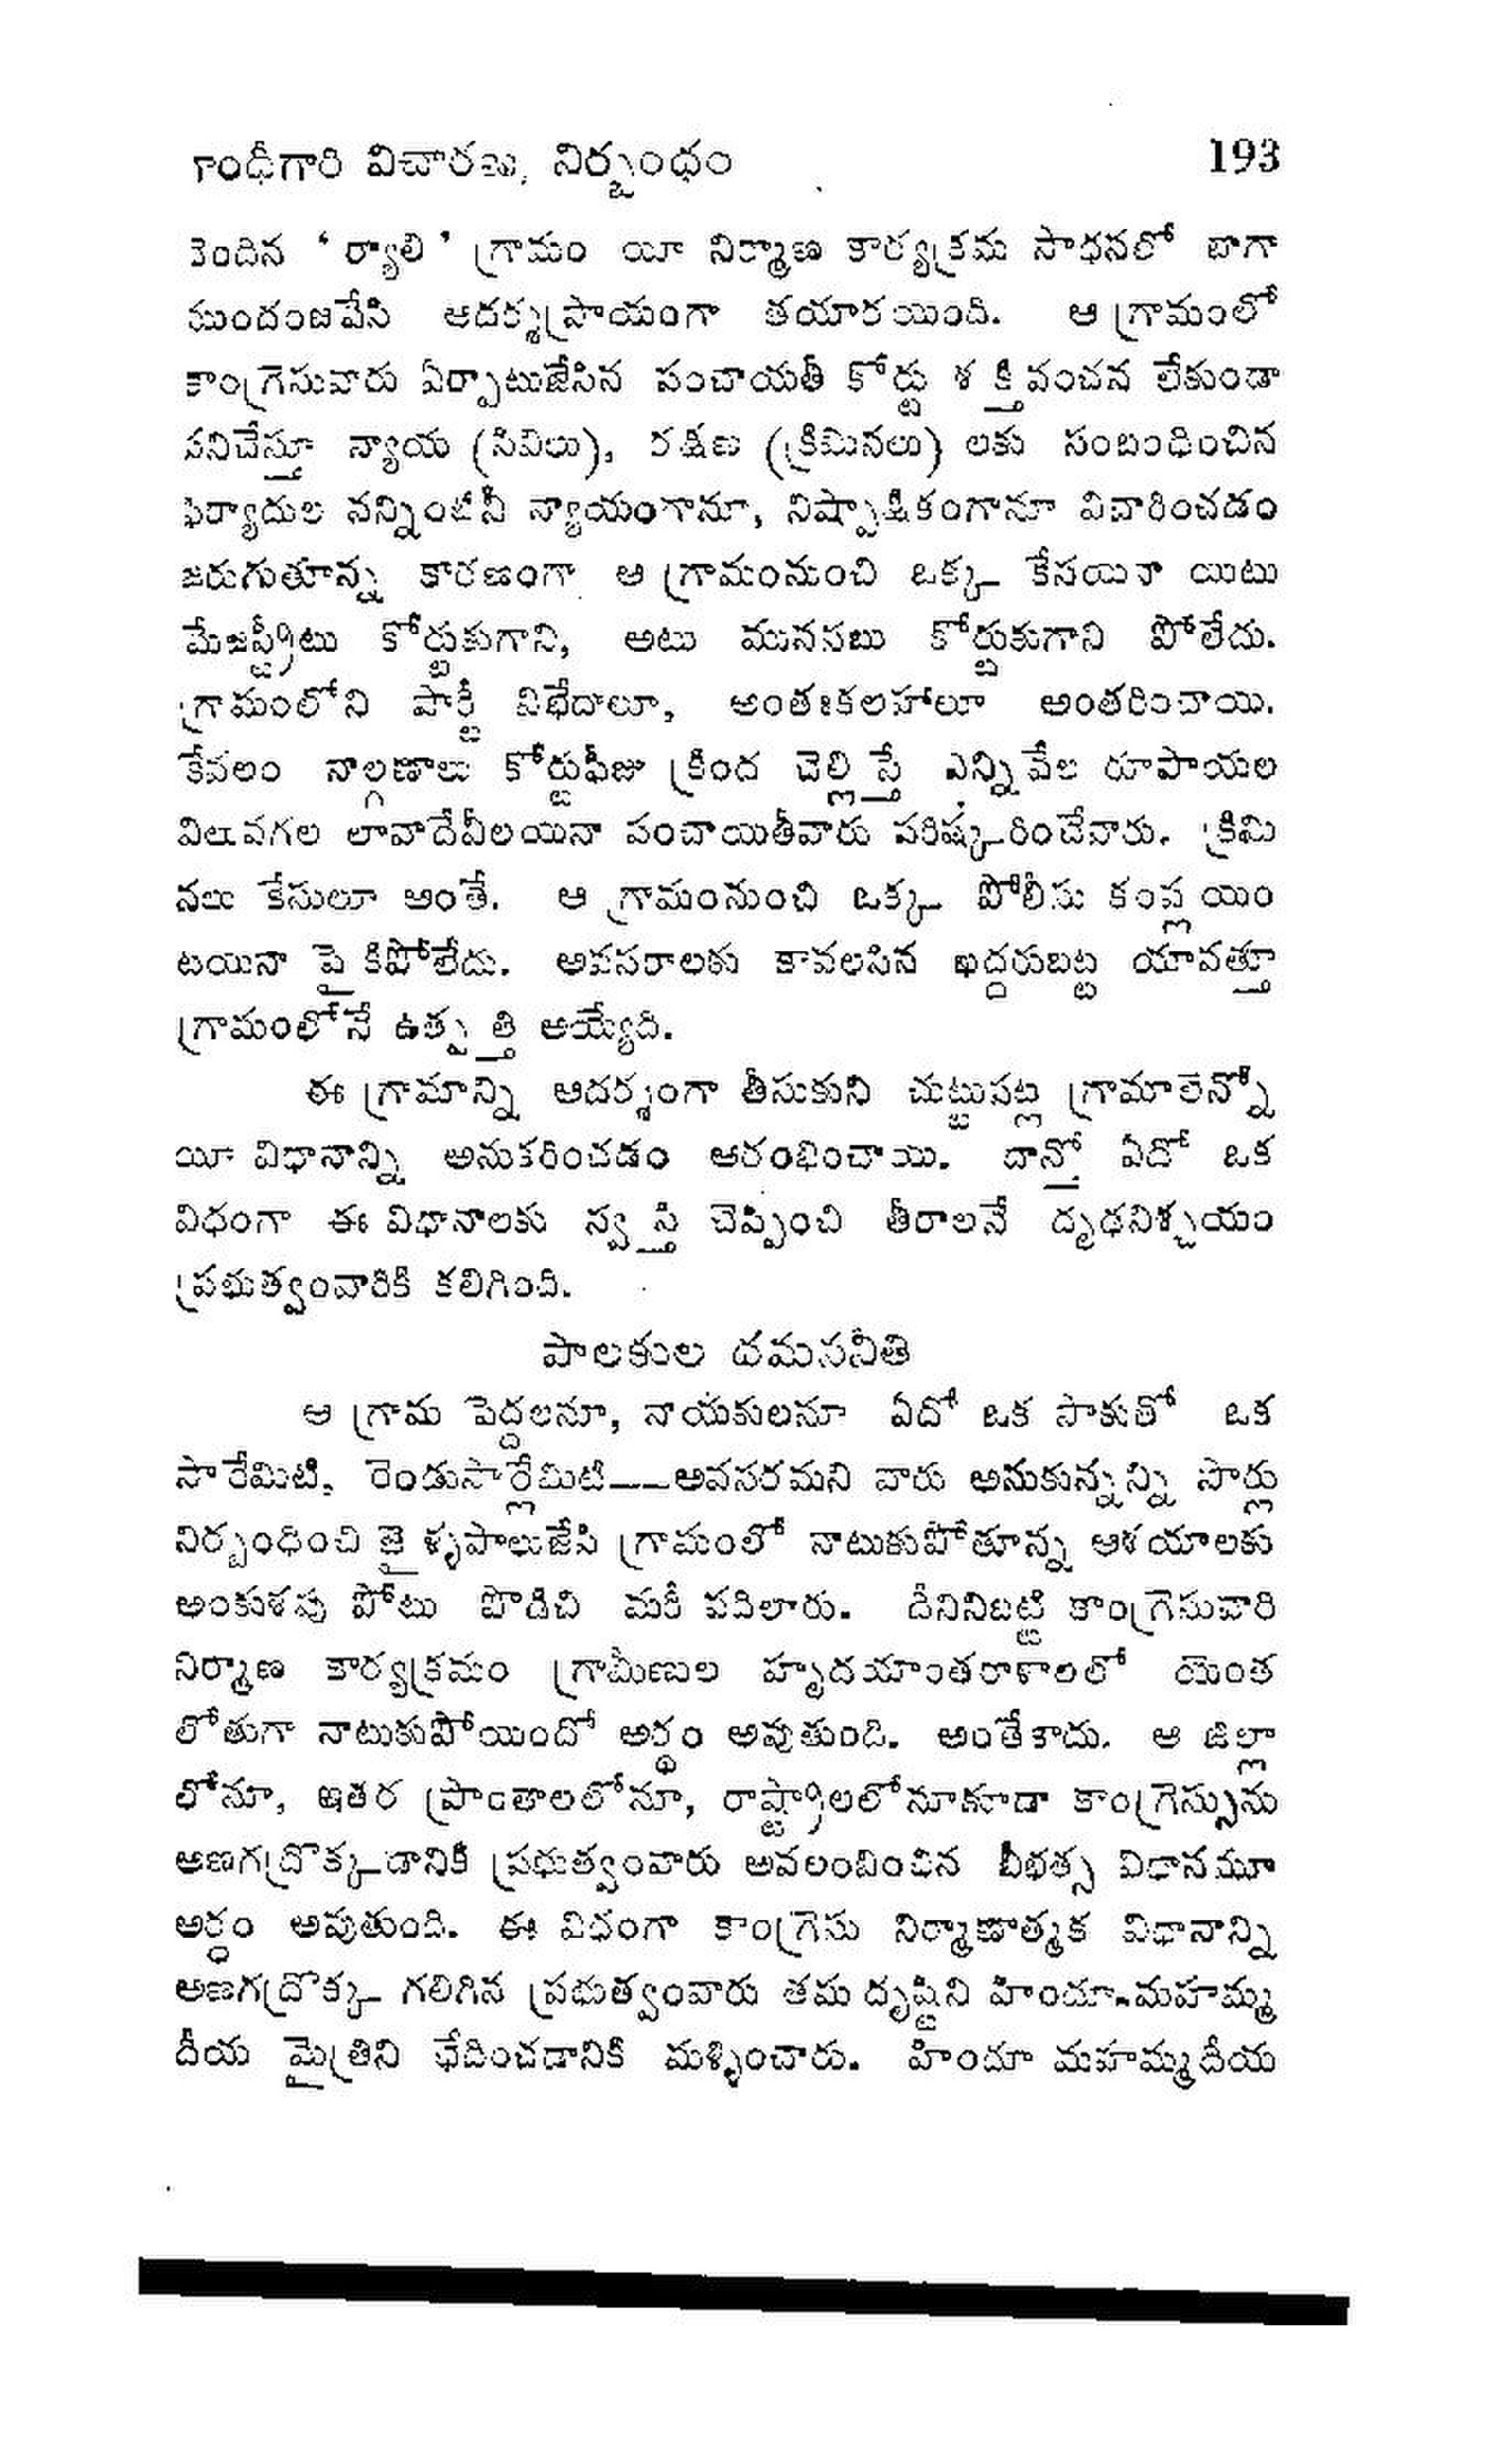చెందిన "ర్యాలి" గ్రామం యీ నిర్మాణ కార్యక్రమ సాధనలో బాగా ముందంజవేసి ఆదర్శప్రాయంగా తయారయింది. ఆ గ్రామంలో కాంగ్రెసువారు ఏర్పాటుజేసిన పంచాయతీ కోర్టు శక్తివంచన లేకుండా పనిచేస్తూ న్యాయ (సివిలు), రక్షణ (క్రిమినలు) లకు సంబందించిన ఫిర్యాదుల నన్నింటినీ న్యాయంగాను, నిష్పాక్షికంగానూ విచారించడం జరుగుతూన్న కారణంగా ఆ గ్రామంనుంచి ఒక్క కేసయినా యిటు మేజస్ట్రీటు కోర్టుకుగాని, అటు మునసబు కోర్టుకుగాని పోలేదు. గ్రామంలోని పార్టీ విభేదాలూ, అంత:కలహాలూ అంతరించాయి. కేవలం నాల్గణాలు కోర్టుపీజు క్రింద చెల్లిస్తే ఎన్నివేల రూపాయల విలువగల లావాదేవీలయినా పంచాయతీవారు పరిష్కరించేవారు. క్రిమినలు కేసులూ అంతే. ఆ గ్రామంనుంచి ఒక్క పోలీసు కంప్లయింటయినా పైకి పోలేదు. అవసరాలకు కావలసిన ఖద్దరుబట్ట యావత్తూ గ్రామంలోనే ఉత్పత్తి అయ్యేది.

ఈ గ్రామాన్ని ఆదర్శంగా తీసుకొని చుట్టుపట్ల గ్రామాలెన్నో యీ విధానాన్ని అనుకరించడం ఆరంభించాయి. దాన్తో ఏదో ఒక విధంగా ఈ విధానాలకు స్వస్తి చెప్పించి తీరాలనే దృఢనిశ్చయం ప్రభుత్వంవారికి కలిగింది.

ఆ గ్రామ పెద్దలనూ, నాయకులనూ ఏదో ఒక సాకుతో ఒకసారేమిటి. రెండుసార్లేమిటి - అవసరమని వారు అనుకున్నన్ని సార్లు నిర్బంధించి జైళ్ళపాలుజేసి గ్రామంలో నాటుకుపోతూన్న ఆశయాలకు అంకుశపు పోటు పొడిచి మరీ వదిలారు. దీనినిబట్టి కాంగ్రెసువారి నిర్మాణ కార్యక్రమం గ్రామీణుల హృదయాంతరాళాలలో యెంత లోతుగా నాటుకుపోయిందో అర్థం అవుతుంది. అంతేకాదు. అ జిల్లాలోనూ, ఇతర ప్రాంతాలలోనూ, రాష్ట్రాలలోనూకూడా కాంగ్రెస్సును అణగద్రొక్కడానికి ప్రభుత్వంవారు అవలంబించిన బీభత్స విధానమూ అర్థం అవుతుంది. ఈ విధంగా కాంగ్రెసు నిర్మాణాత్మక విధానాన్ని అణగద్రొక్క గలిగిన ప్రభుత్వంవారు తమ దృష్టిని హిందూ-మహమ్మదీయ మైత్రిని చేధించడానికి మళ్ళించారు. హిందూ మహమ్మదీయ